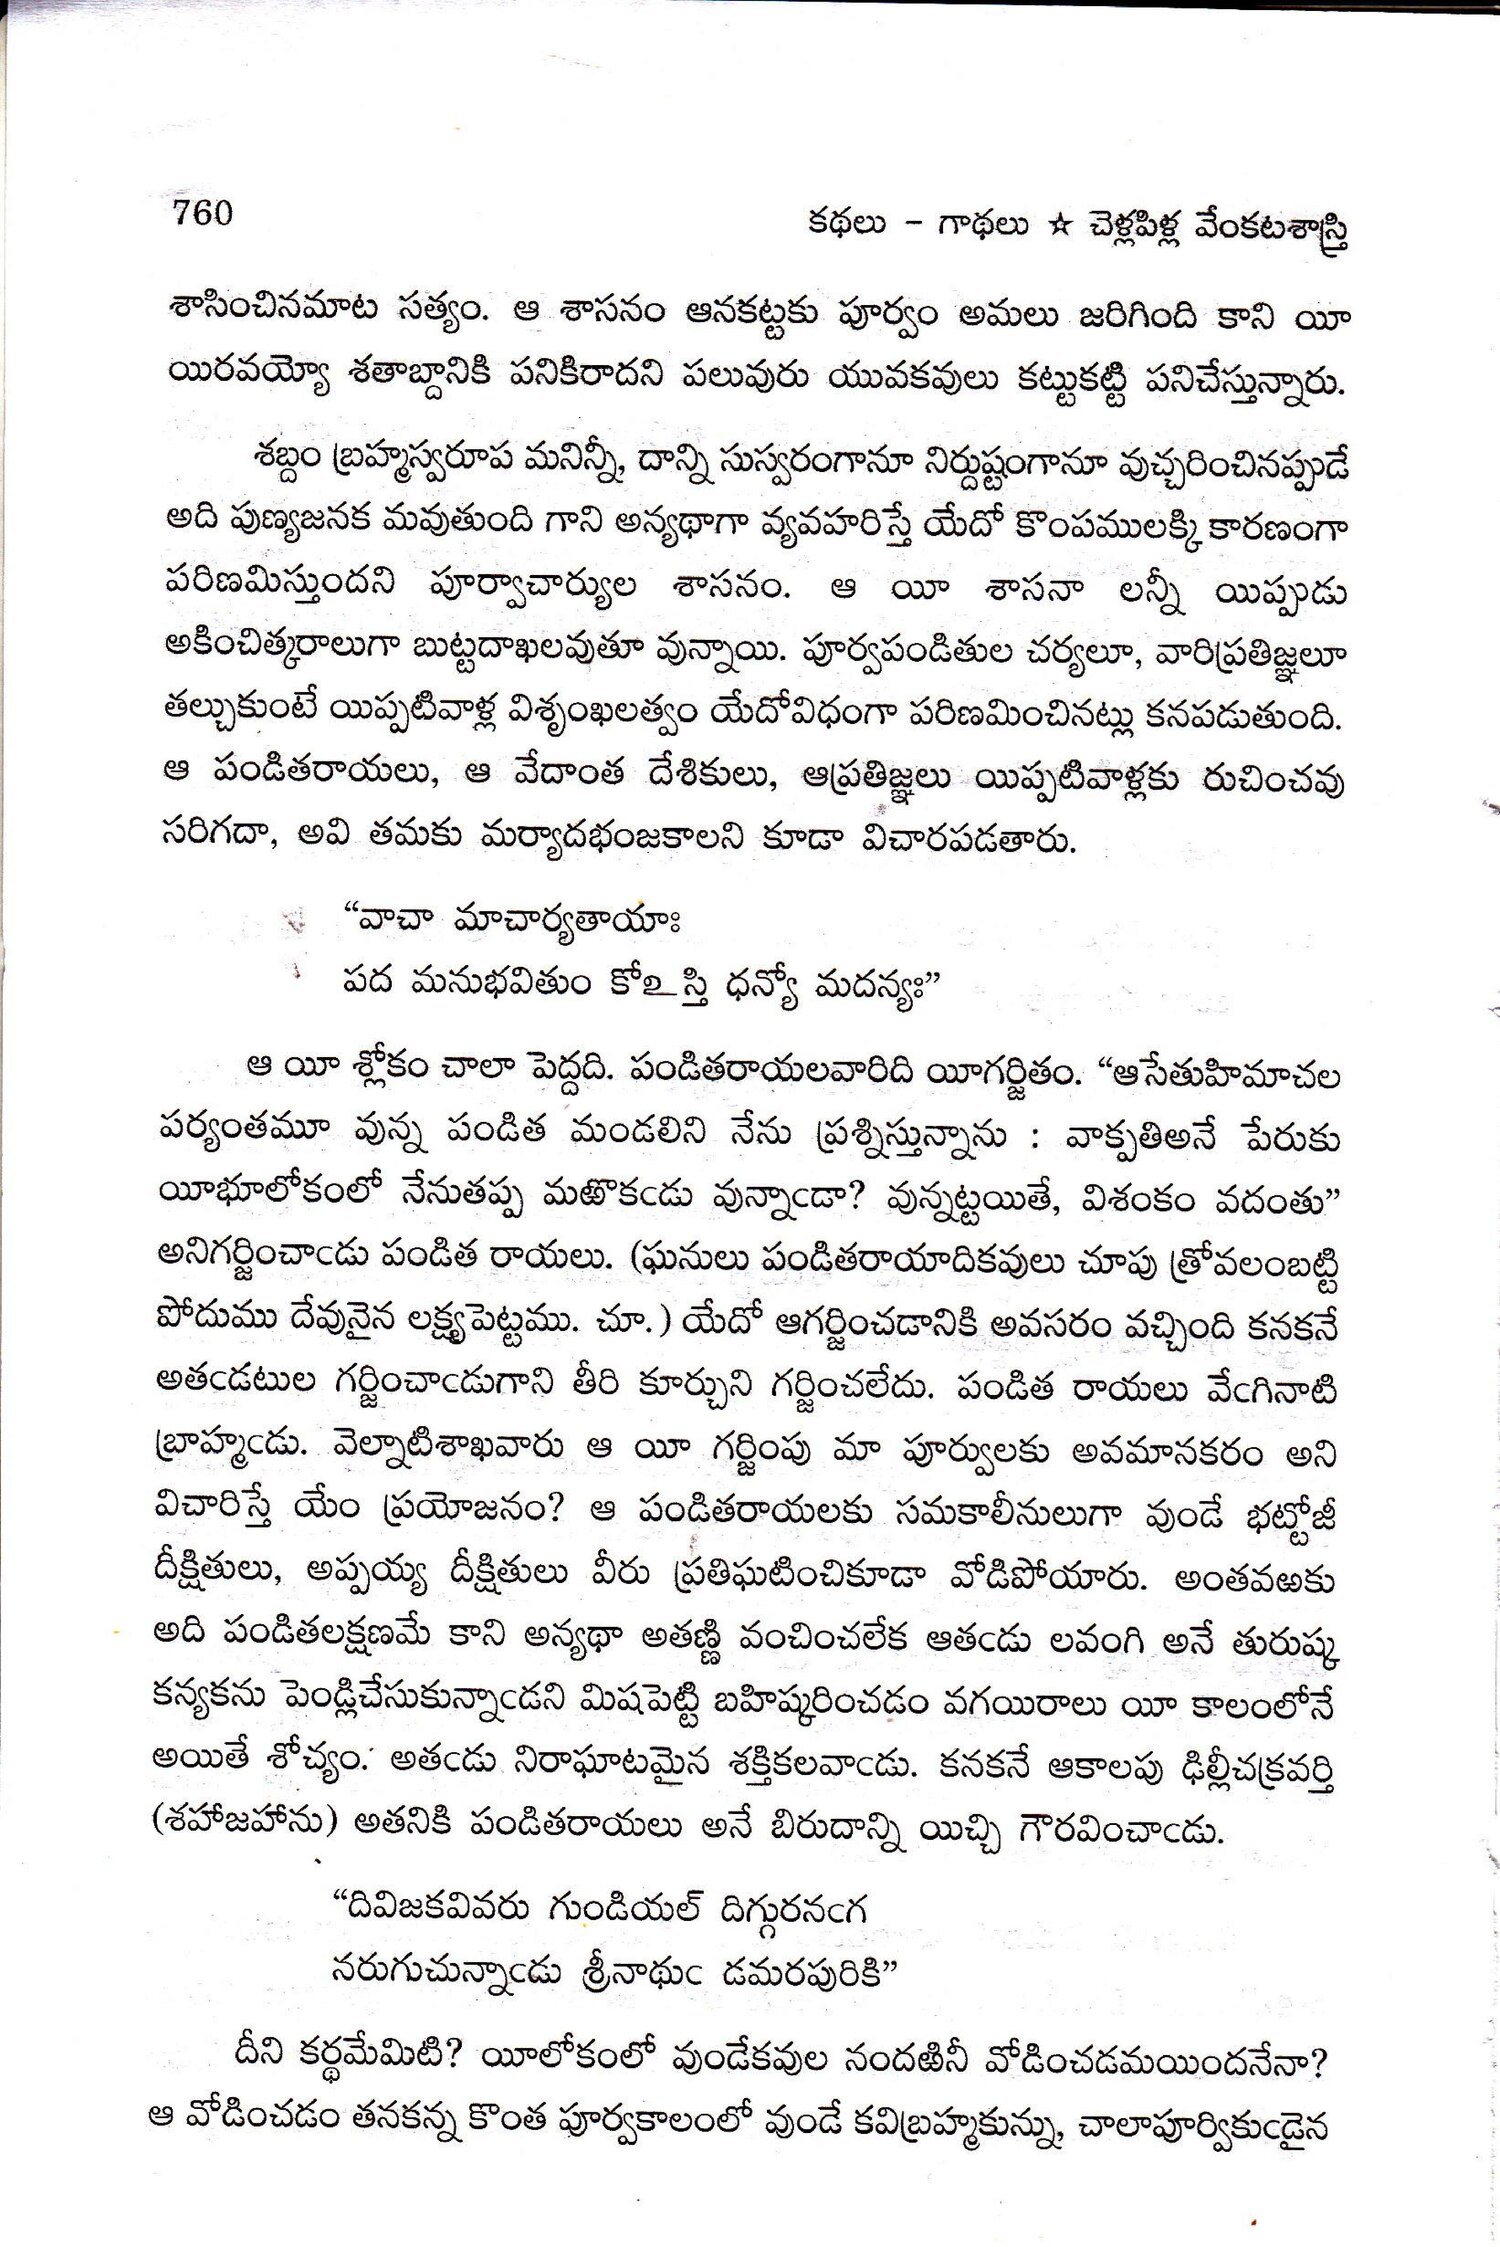శాసించినమాట సత్యం. ఆ శాసనం ఆనకట్టకు పూర్వం అమలు జరిగింది కాని యీ యిరవయ్యో శతాబ్దానికి పనికిరాదని పలువురు యువకవులు కట్టుకట్టి పనిచేస్తున్నారు.

శబ్దం బ్రహ్మస్వరూప మనిన్నీ దాన్ని సుస్వరంగానూ నిర్దుష్టంగానూ వుచ్చరించినప్పుడే అది పుణ్యజనక మవుతుంది గాని అన్యథాగా వ్యవహరిస్తే యేదో కొంపములక్కి కారణంగా పరిణమిస్తుందని - పూర్వాచార్యుల శాసనం. ఆ యీ శాసనా లన్నీ యిప్పుడు అకించిత్కరాలుగా బుట్టదాఖలవుతూ వున్నాయి. పూర్వపండితుల చర్యలూ, వారిప్రతిజ్ఞలూ తల్చుకుంటే యిప్పటివాళ్ల విశృంఖలత్వం యేదోవిధంగా పరిణమించినట్లు కనపడుతుంది. ఆ పండితరాయలు, ఆ వేదాంత దేశికులు, ఆప్రతిజ్ఞలు యిప్పటివాళ్లకు రుచించవు సరిగదా, అవి తమకు మర్యాదభంజకాలని కూడా విచారపడతారు.

"వాచా మాచార్యతాయాః 
 పద మనుభవితుం కో౽స్తి ధన్యో మదన్యః"
ఆ యీ శ్లోకం చాలా పెద్దది. పండితరాయలవారిది యీగర్జితం. “ఆసేతుహిమాచల పర్యంతమూ వున్న పండిత మండలిని నేను ప్రశ్నిస్తున్నాను : వాక్పతిఅనే పేరుకు యీభూలోకంలో నేనుతప్ప మఱొకఁడు వున్నాఁడా? వున్నట్టయితే, విశంకం వదంతు” అనిగర్ణించాఁడు పండిత రాయలు. (ఘనులు పండితరాయాదికవులు చూపు త్రోవలంబట్టి పోదుము దేవునైన లక్ష్యపెట్టము. చూ.) యేదో ఆగర్జించడానికి అవసరం వచ్చింది కనకనే అతఁడటుల గర్జించాఁడుగాని తీరి కూర్చుని గర్జించలేదు. పండిత రాయలు వేఁగినాటి బ్రాహ్మఁడు. వెల్నాటిశాఖవారు ఆ యీ గర్జింపు మా పూర్వులకు అవమానకరం అని విచారిస్తే యేం ప్రయోజనం? ఆ పండితరాయలకు సమకాలీనులుగా వుండే భట్టోజీ దీక్షితులు, అప్పయ్య దీక్షితులు వీరు ప్రతిఘటించికూడా వోడిపోయారు. అంతవఱకు అది పండితలక్షణమే కాని అన్యథా అతణ్ణి వంచించలేక ఆతఁడు లవంగి అనే తురుష్క కన్యకను పెండ్లిచేసుకున్నాఁడని మిషపెట్టి బహిష్కరించడం వగయిరాలు యీ కాలంలోనే అయితే శోచ్యం. అతఁడు నిరాఘాటమైన శక్తికలవాఁడు. కనకనే ఆకాలపు ఢిల్లీచక్రవర్తి (శహాజహాను) అతనికి పండితరాయలు అనే బిరుదాన్ని యిచ్చి గౌరవించాఁడు.

“దివిజకవివరు గుండియల్ దిగ్గురనఁగ 
 నరుగుచున్నాఁడు శ్రీనాథుఁ డమరపురికి"
దీని కర్థమేమిటి? యీలోకంలో వుండేకవుల నందఱినీ వోడించడమయిందనేనా? ఆ వోడించడం తనకన్నకొంత పూర్వకాలంలో వుండే కవిబ్రహ్మకున్ను చాలాపూర్వికుఁడైన